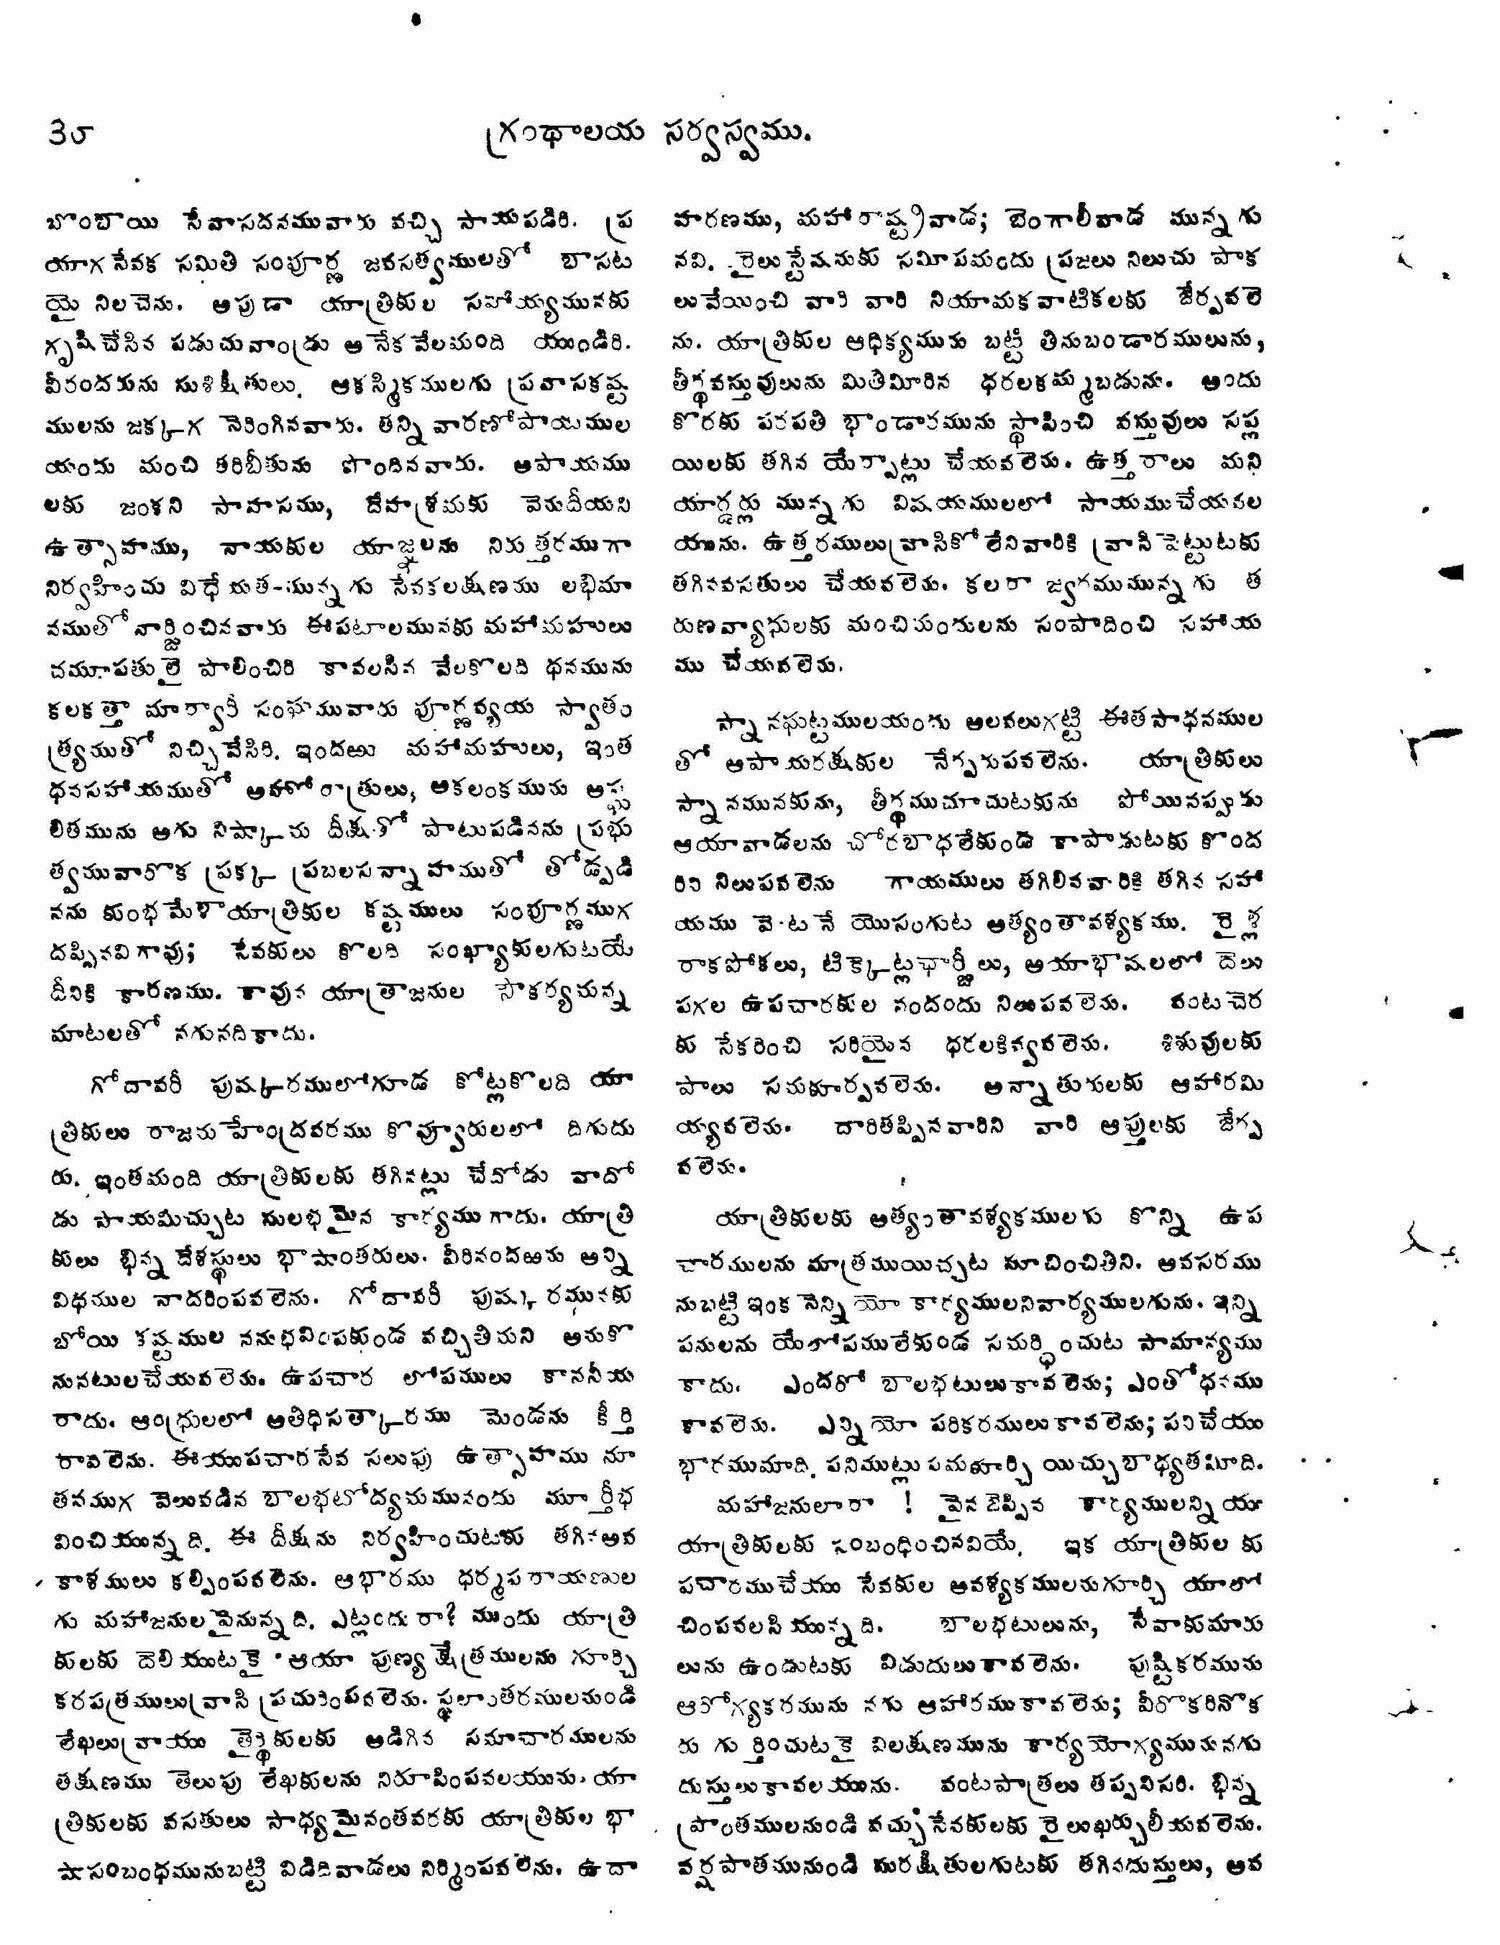బొంబాయి సేవాసదనమువారు వచ్చి సాయపడిరి. ప్రయాగసేవక సమితి సంపూర్ణ జరసత్వములతో బాసటయై నిలచెను. అపుడా యాత్రికుల సహాయ్యమునకు గృషి చేసిన పడుచువాండ్రు అనేకవేలమంది యుండిరి. వీరందరును సుశిక్షితులు. ఆకస్మికములగు ప్రవాసకప్టుములను జక్కగ నెరింగినవారు. తన్ని వారణోపాయముల యందు మంచి కరిబీకును పొందినవారు. ఆపాయములకులకు జంకని సాహసము, దేహశ్రమకు వెనుదీయని ఉత్సాహము, నాయకుల యాజ్ఞలను నిరుత్తరముగా నిర్వహించు విధేయత - మున్నగు సేవకలక్షణము లభిమానముతో నార్జించినవారు ఈపటాలమునకు మహామహులుచమూపతులై పాలించిరి కావలసిన వేలకొలది ధనమును
కలకత్తా మార్వారీ సంఘమువారు పూర్ణవ్యయ స్వాతంత్య్రముతో నిచ్చివేసిరి. ఇందఱు మహామహులు, ఇ౦త ధనసహాయముతో అహోరాత్రులు, అకలంకమును అప్పులితమును అగు నిష్కాను దీక్షతో పాటుపడినను ప్రభుత్వమువారొక ప్రక్క ప్రబలసన్నాహముతో తోడ్పడినను కుంభమేళాయాత్రికుల కష్టములు సంపూర్ణముగ దప్పినవిగావు; సేవకులు కొలది సంఖ్యాకులగుటయే దీనికి కారణము. కావున యాత్రాజనుల సౌకర్యమన్న మాటలతో నగునది కాదు. 

గోదావరీ పుష్కరములో గూడ కోట్లకొలది యాత్రీకులు రాజమహేంద్రవరము కొవ్వూరులలో దిగుదురు. ఇంతమంది యాత్రికులకు తగినట్లు చేదోడు వాదోడు సాయమిచ్చుట సులభమైన కార్యము గాదు. యాత్రికులు భిన్న దేశస్థులు భాషాంతరులు. వీరినందఱకు అన్ని
విధముల నాదరింపవలెను. గోదావరి పుష్కరమునకు బోయి కష్టముల ననుభవింపకుండ వచ్చితిమని అనుకొనునటుల చేయవలెను. ఉపచార లోపములు కాననీయరాదు. ఆంధ్రులలో అతిధిసత్కారము మెండను కీర్తి రావలెను. ఈ యుపచారసేవ సలుపు ఉత్సాహము 
నూతనముగ వెలువడిన బాలభటోద్యమమునందు మూర్తీభవించియున్నది. ఈ దీక్షను నిర్వహించుటకు తగిన అవకాశములు కల్పింపవలెను. ఆభారము ధర్మపరాయణులగు మహాజనుల పైనున్నది. ఎట్లందురా? ముందు యాత్రికులకు దెలియుటకై "ఆయా పుణ్యక్షేత్రములను గూర్చి కరపత్రములు వ్రాసి ప్రచురింపవలెను. స్థలాంతరములనుండి లేఖలు వ్రాయు తైర్థికులకు అడిగిన సమాచారములను తక్షణము తెలుపు లేఖకులను నిరూపింపవలయును. యాత్రికులకు వసతులు సాధ్యమైనంతవరకు యాత్రికుల భాషా సంబంధమునుబట్టి విడిదివాడలు నిర్మింపవలెను. ఉదాహరణము, మహారాష్ట్రవాడ; బెంగాలీవాడ మున్నగునవి. రైలుస్టేషనుకు సమీపమందు ప్రజలు నిలుచు పాకలు వేయించి వారి వారి నియామక వాటికలకు జేర్పవలెను. యాత్రికుల ఆధిక్యముకు బట్టి తినుబండారములును, తీర్థవస్తువులును మితిమీరిన ధరలకమ్మబడును. అందుకొరకు పరపతి భాండారమును స్థాపించి వస్తువులు 
సప్లయిలకు తగిన యేర్పాట్లు చేయవలెను. ఉత్తరాలు మనియార్డర్లు మున్నగు విషయములలో సాయము చేయవలయును. ఉత్తరములు వ్రాసికోలేనివారికి వ్రానీ పెట్టుటకు తగిన వసతులు చేయవలెను. కలరా జ్వరము మున్నగు తరుణవ్యాధులకు మంచిమందులను సంపాదించి సహాయము చేయవలెను.

స్నాన ఘట్టములయందు అలవలుగట్టి ఈతసాధనములతో అపాయరక్షకుల నేర్పరుపవలెను. యాత్రికులు స్నానమునకును, చోరబాధలేకుండా కాపాడుటకు కొందరిని నిలుపవలెను. గాయములు తగిలినవారికి తగిన సహాయము వెంటనే యొసంగుట అత్యంతావశ్యకము. రైళ్లరాకపోకలు, టిక్కెట్ల ఛార్జీలు, అయాభాషలలో దెలుపగల ఉపచారకుల నందందు నిలుపవలెను. వంటచెరకు 
సేకరించి సరియైన ధరలకివ్వవలెను. శిశువులకు పాలు సమకూర్చవలెను. అన్నాతురులకు ఆహారమియ్యవలెను. దారితప్పిన వారిని వారి ఆప్తులకు జేర్పవలెను.

యాత్రికులకు అత్యంతావశ్యకములకు కొన్ని ఉపచారములను మాత్రముయిచ్చట మాచించితిని. అవసరమునుబట్టి ఇంక నేన్నియో కార్యములనివార్యములగును. ఇన్ని పనులను యేలోపములేకుండ సమర్పించుట సామాన్యము కాదు. ఎందరో బాలభటులు కావలెను; ఎంతో ధనము కావలెను. ఎన్నియో పరికరములు కావలెను; పనిచేయు భారము మాది. పనిముట్లు సమకూర్చి యిచ్చు బాధ్యత మీది.

మహాజనులారా! పైన చెప్పిన కార్యములన్నియు యాత్రికులకు సంబంధించినవియే. ఇక యాత్రికులకుపచారముచేయు సేవకుల ఆవశ్యకములను గూర్చి యాలోచింపవలసి యున్నది. బాలభటులును, సేవాకుమారులును ఉండుటకు విడుదులు కావలెను. పుష్టికరమును ఆరోగ్యకరమును నగు ఆహారము కావలెను; వీరొకరినొకరు గుర్తించుటకై విలక్షణమును కార్యయోగ్యముమునగు దుస్తులు కావలయును. వంటపాత్రలు తప్పనిసరి. భిన్న ప్రాంతములనుండి వచ్చు సేవకులకు రైలుఖర్చులీయవలెను. వర్షపాతమునుండి 
సురక్షితులగుటకు తగినదుస్తులు, అవ